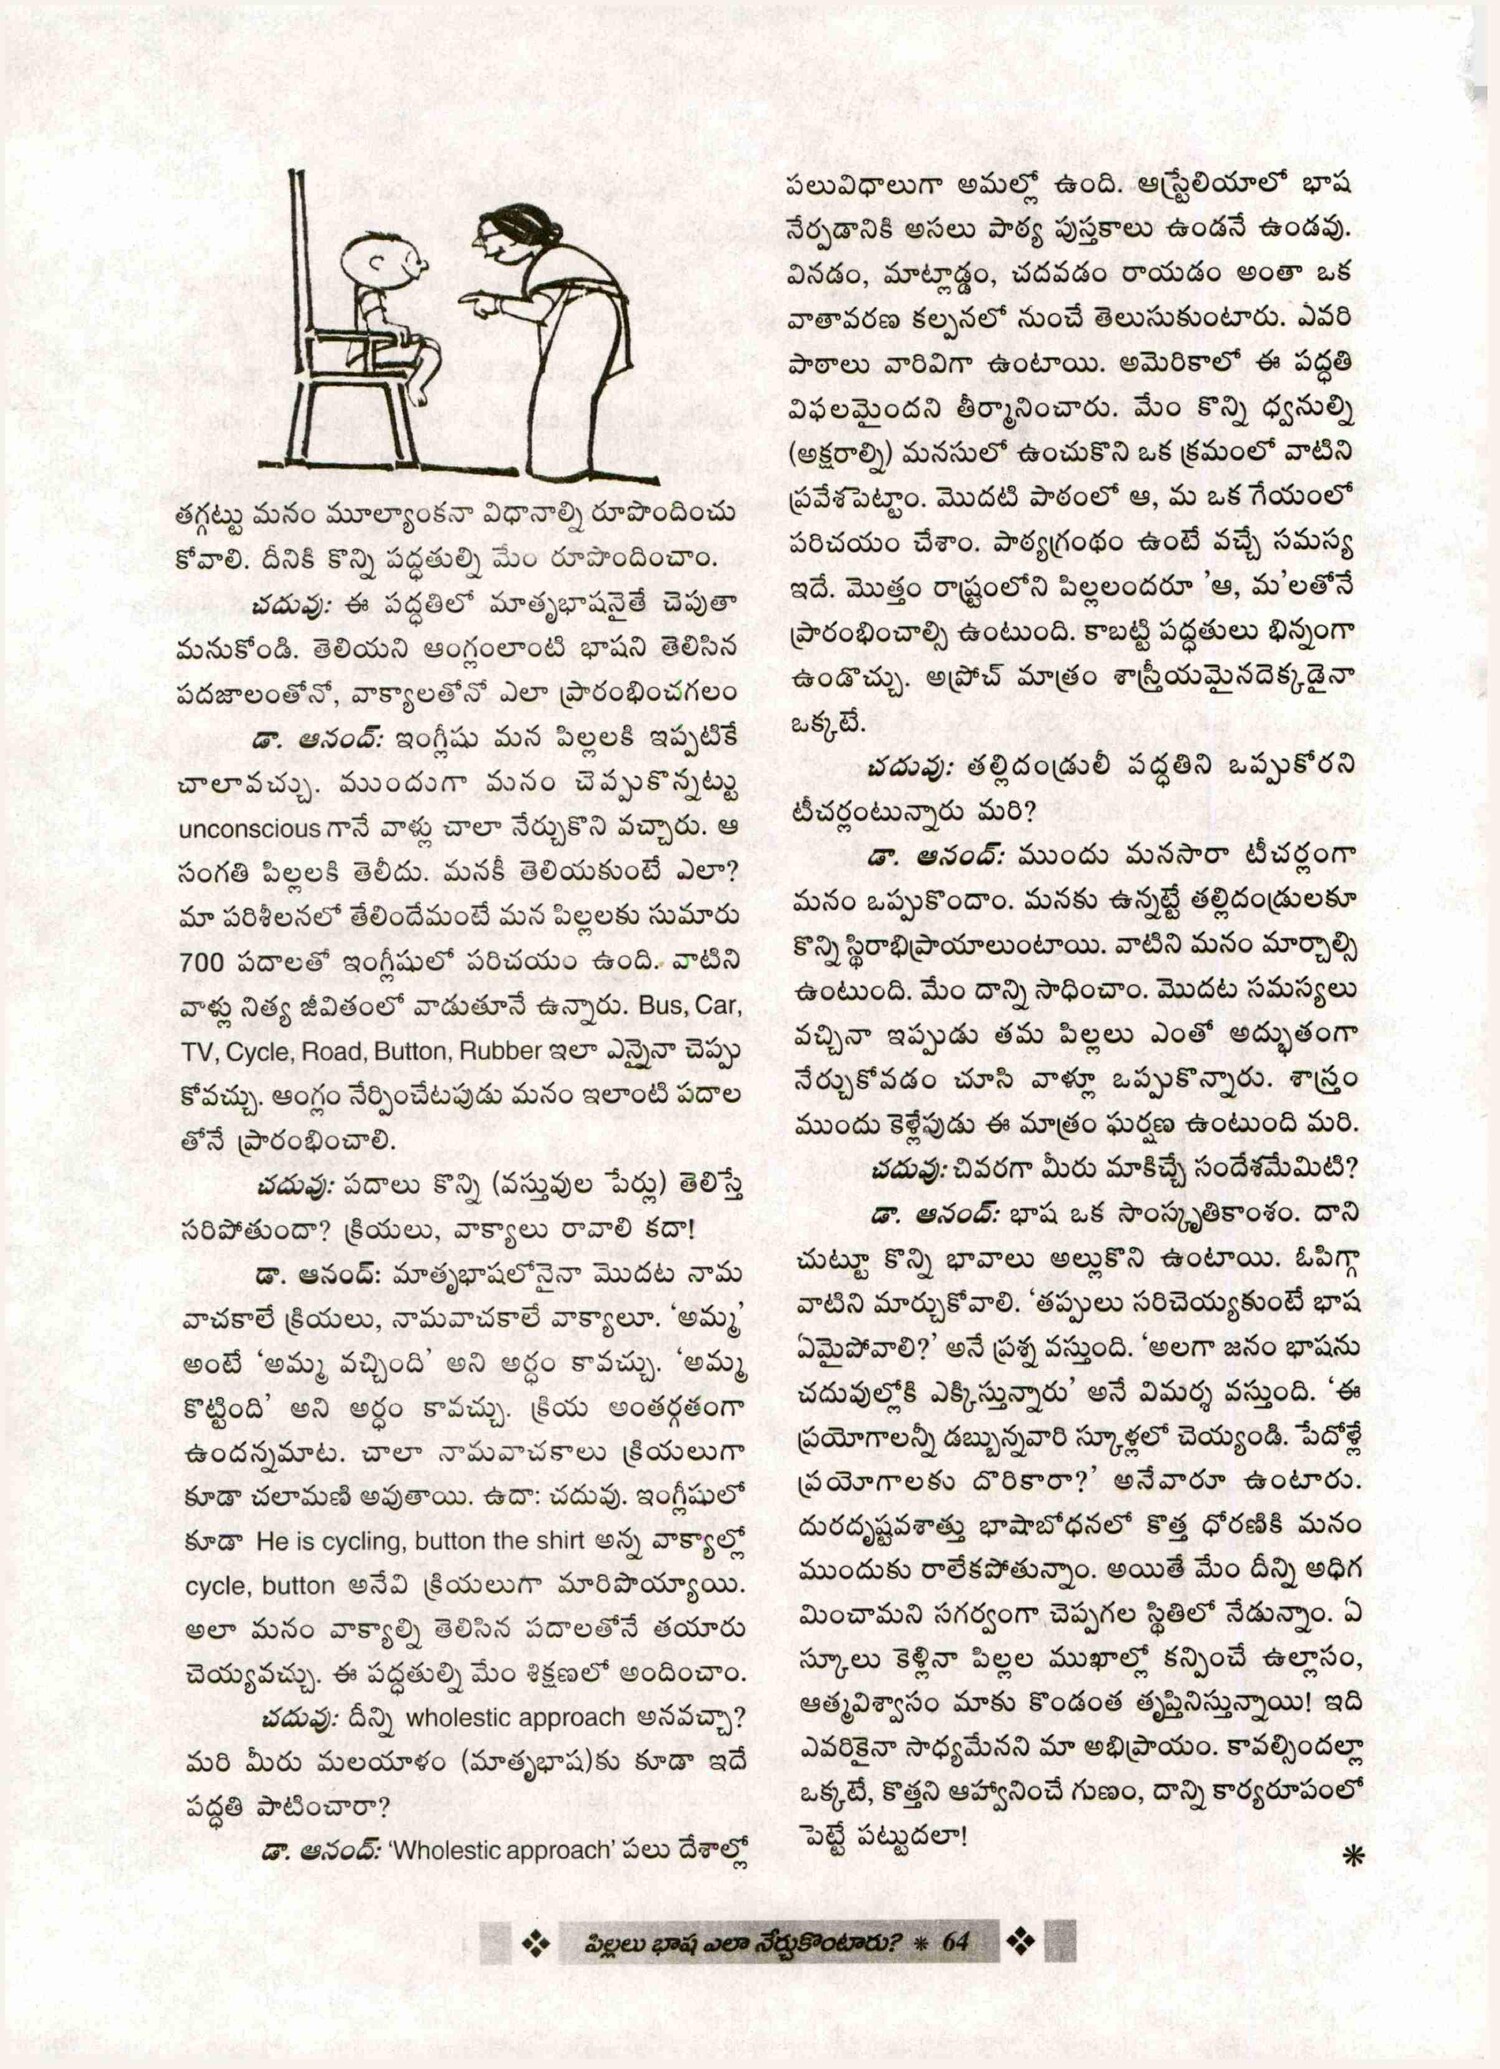తగ్గట్టు మనం మూల్యాంకనా విధానాల్ని రూపొందించు కోవాలి. దీనికి కొన్ని పద్ధతుల్ని మేం రూపొందించాం.

చదువు: ఈ పద్ధతిలో మాతృభాషనైతే చెపుతామనుకోండి. తెలియని ఆంగ్లంలాంటి భాషని తెలిసిన
పదజాలంతోనో, వాక్యాలతోనో ఎలా ప్రారంభించగలం

డా. ఆనంద్: ఇంగ్లీషు మన పిల్లలకి ఇప్పటికే చాలావచ్చు. ముందుగా మనం చెప్పుకొన్నట్టు unconscious గానే వాళ్లు చాలా నేర్చుకొని వచ్చారు. ఆ సంగతి పిల్లలకి తెలీదు. మనకీ తెలియకుంటే ఎలా? మా పరిశీలనలో తేలిందేమంటే మన పిల్లలకు సుమారు 700 పదాలతో ఇంగ్లీషులో పరిచయం ఉంది. వాటిని వాళ్లు నిత్య జీవితంలో వాడుతూనే ఉన్నారు. Bus, Car, TV, Cycle, Road, Button, Rubber ఇలా ఎన్నైనా చెప్పుకోవచ్చు. ఆంగ్లం నేర్పించేటపుడు మనం ఇలాంటి పదాలతోనే ప్రారంభించాలి.

చదువు: పదాలు కొన్ని (వస్తువుల పేర్లు) తెలిస్తే సరిపోతుందా? క్రియలు, వాక్యాలు రావాలి కదా!

డా. ఆనంద్: మాతృభాషలోనైనా మొదట నామవాచకాలే క్రియలు, నామవాచకాలే వాక్యాలు. 'అమ్మ' అంటే ‘అమ్మ వచ్చింది' అని అర్ధం కావచ్చు. 'అమ్మ కొట్టింది' అని అర్ధం కావచ్చు. క్రియ అంతర్గతంగా ఉందన్నమాట. చాలా నామవాచకాలు క్రియలుగా కూడా చలామణి అవుతాయి. ఉదా: చదువు. ఇంగ్లీషులో కూడా He is cycling, button the shirt అన్న వాక్యాల్లో cycle, button అనేవి క్రియలుగా మారిపొయ్యాయి. అలా మనం వాక్యాల్ని తెలిసిన పదాలతోనే తయారు చెయ్యవచ్చు. ఈ పద్ధతుల్ని మేం శిక్షణలో అందించాం.

చదువు: దీన్ని wholestic approach అనవచ్చా? మరి మీరు మలయాళం (మాతృభాష)కు కూడా ఇదే పద్ధతి పాటించారా?

డా. ఆనంద్: 'Wholestic approach' పలు దేశాల్లో పలువిధాలుగా అమల్లో ఉంది. ఆస్ట్రేలియాలో భాష
నేర్పడానికి అసలు పాఠ్య పుస్తకాలు ఉండనే ఉండవు. వినడం, మాట్లాడ్డం, చదవడం రాయడం అంతా ఒక
వాతావరణ కల్పనలో నుంచే తెలుసుకుంటారు. ఎవరి పాఠాలు వారివిగా ఉంటాయి. అమెరికాలో ఈ పద్ధతి
విఫలమైందని తీర్మానించారు. మేం కొన్ని ధ్వనుల్ని (అక్షరాల్ని) మనసులో ఉంచుకొని ఒక క్రమంలో వాటిని
ప్రవేశపెట్టాం. మొదటి పాఠంలో ఆ, మ ఒక గేయంలో పరిచయం చేశాం. పాఠ్యగ్రంథం ఉంటే వచ్చే సమస్య ఇదే. మొత్తం రాష్ట్రంలోని పిల్లలందరూ 'ఆ, మ’లతోనే ప్రారంభించాల్సి ఉంటుంది. కాబట్టి పద్ధతులు భిన్నంగా ఉండొచ్చు. అప్రోచ్ మాత్రం శాస్త్రీయమైనదెక్కడైనా ఒక్కటే.

చదువు: తల్లిదండ్రులీ పద్ధతిని ఒప్పుకోరని టీచర్లంటున్నారు మరి?

డా. ఆనంద్: ముందు మనసారా టీచర్లంగా మనం ఒప్పుకొందాం. మనకు ఉన్నట్టే తల్లిదండ్రులకూ కొన్ని స్థిరాభిప్రాయాలుంటాయి. వాటిని మనం మార్చాల్సి ఉంటుంది. మేం దాన్ని సాధించాం. మొదట సమస్యలు వచ్చినా ఇప్పుడు తమ పిల్లలు ఎంతో అద్భుతంగా నేర్చుకోవడం చూసి వాళ్లూ ఒప్పుకొన్నారు. శాస్త్రం ముందు కెళ్లేపుడు ఈ మాత్రం ఘర్షణ ఉంటుంది మరి.

చదువు: చివరగా మీరు మాకిచ్చే సందేశమేమిటి?

డా. ఆనంద్: భాష ఒక సాంస్కృతికాంశం. దాని చుట్టూ కొన్ని భావాలు అల్లుకొని ఉంటాయి. ఓపిగ్గా వాటిని మార్చుకోవాలి. ‘తప్పులు సరిచెయ్యకుంటే భాష ఏమైపోవాలి?' అనే ప్రశ్న వస్తుంది. ‘అలగా జనం భాషను చదువుల్లోకి ఎక్కిస్తున్నారు' అనే విమర్శ వస్తుంది. ‘ఈ ప్రయోగాలన్నీ డబ్బున్నవారి స్కూళ్లలో చెయ్యండి. పేదోళ్లే
ప్రయోగాలకు దొరికారా?' అనేవారూ ఉంటారు. దురదృష్టవశాత్తు భాషాబోధనలో కొత్త ధోరణికి మనం ముందుకు రాలేకపోతున్నాం. అయితే మేం దీన్ని అధిగమించామని సగర్వంగా చెప్పగల స్థితిలో నేడున్నాం. ఏ స్కూలు కెళ్లినా పిల్లల ముఖాల్లో కన్పించే ఉల్లాసం, ఆత్మవిశ్వాసం మాకు కొండంత తృప్తినిస్తున్నాయి! ఇది ఎవరికైనా సాధ్యమేనని మా అభిప్రాయం. కావల్సిందల్లా ఒక్కటే, కొత్తని ఆహ్వానించే గుణం, దాన్ని కార్యరూపంలో పెట్టే పట్టుదలా!